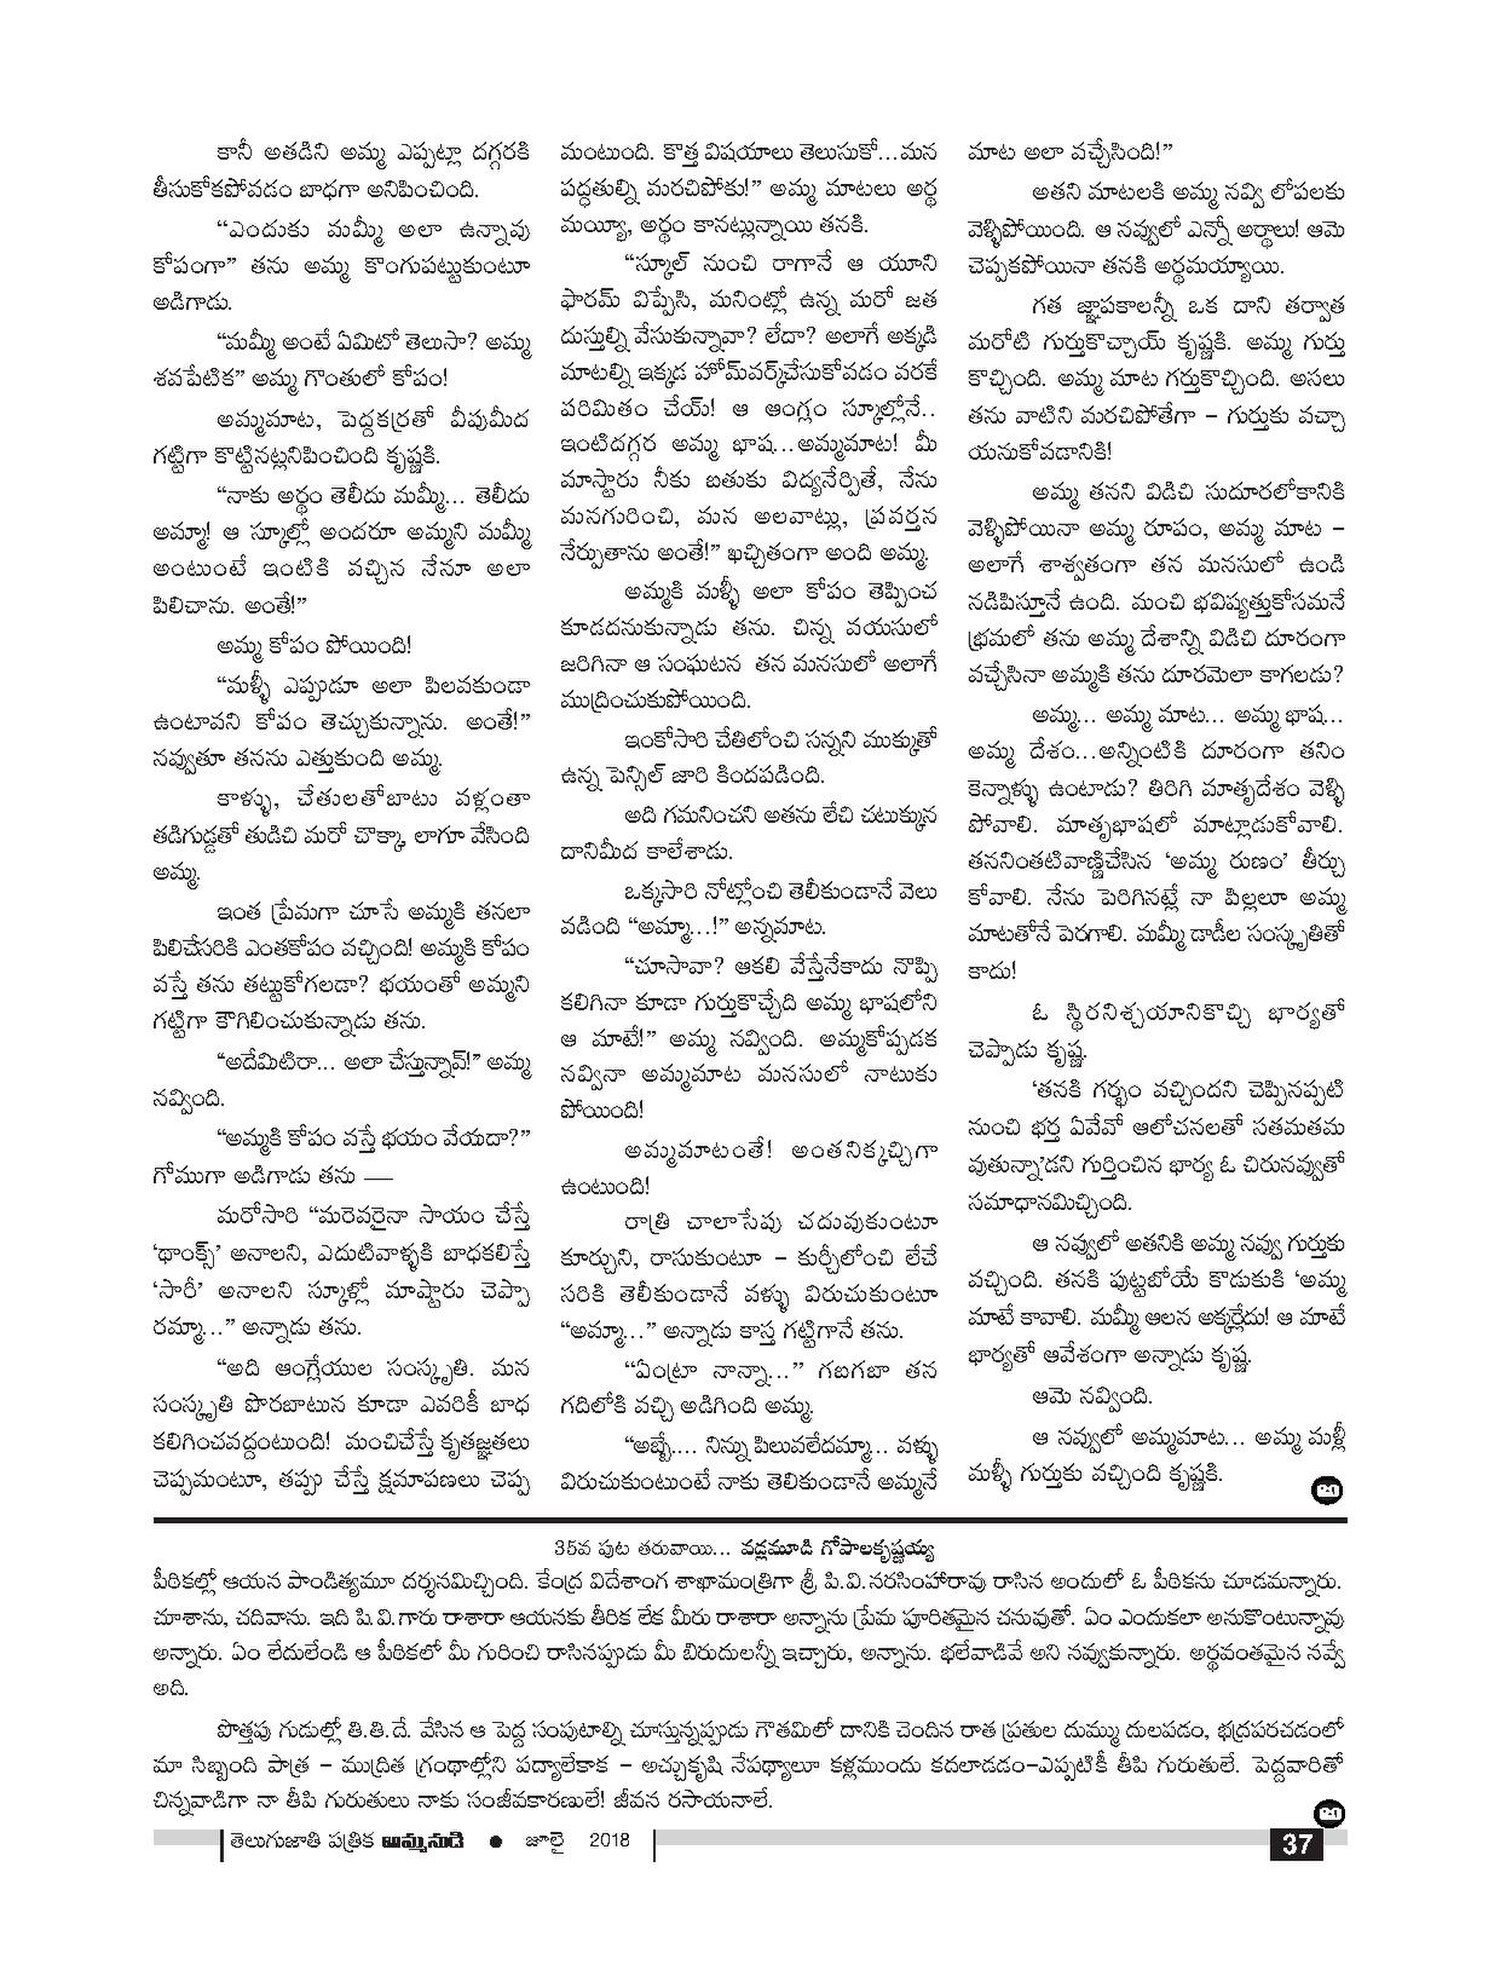కానీ అతడిని అమ్మ ఎప్పట్లా దగ్గరకి తీసుకోకపోవడం బాధగా అనిపించింది.

“ఎందుకు మమ్మీ అలా ఉన్నావు కోపంగా” తను అమ్మ కొంగుపట్టుకుంటూ అడిగాడు.

“మమ్మీ అంటే ఏమిటో తెలుసా? అమ్మ శవపేటిక” అమ్మ గొంతులో కోపం!

అమ్మమాట, పెద్దకర్రతో వీపుమీద గట్టిగా కొట్టినట్లనిపించింది కృష్ణకి.

“నాకు అర్థం తెలీదు మమ్మీ... తెలీదు అమ్మా! ఆ స్కూల్లో అందరూ అమ్మని మమ్మీ అంటుంటే ఇంటికి వచ్చిన నేనూ అలా పిలిచాను. అంతే"

అమ్మ కోపం పోయింది!

“మళ్ళీ ఎప్పుడూ అలా పిలవకుండా ఉంటావని కోపం తెచ్చుకున్నాను. అంతే!” నవ్వుతూ తనను ఎత్తుకుంది అమ్మ.

కాళ్ళు, చేతులతోబాటు వళ్లంతా తడిగుడ్డతో తుడిచి మరో చొక్కా లాగూ వేసింది అమ్మ.

ఇంత ప్రేమగా చూసే అమ్మకి తనలా పిలిచేసరికి ఎంతకోపం వచ్చింది! అమ్మకి కోపం వస్తే తను తట్టుకోగలడా? భయంతో అమ్మని గట్టిగా కౌగిలించుకున్నాడు తను.

“అదేమిటిరా... అలా చేస్తున్నావ్‌” అమ్మ నవ్వింది.

“అమ్మకి కోపం వస్తే భయం వేయదా?” గోముగా అడిగాడు తను --

మరోసారి “మరెవరైనా సాయం చేస్తే 'థాంక్స్‌' అనాలని, ఎదుటివాళ్ళకి బాధకలిస్తే 'సారీ' అనాలని స్కూళ్లో మాష్టారు చెప్పారమ్మా...” అన్నాడు తను.

“అది ఆంగ్లేయుల సంస్కృతి. మన సంస్కృతి పొరబాటున కూడా ఎవరికీ బాధ కలిగించవద్దంటుంది! మంచిచేస్తే కృతజ్ఞతలు చెప్పమంటూ, తప్పు చేస్తే క్షమాపణలు చెప్పమంటుంది. కొత్త విషయాలు తెలుసుకో... మన పద్ధతుల్ని మరచిపోకు!” అమ్మ మాటలు అర్ధమయ్యీ, అర్థం కానట్లున్నాయి తనకి.

“స్కూల్‌ నుంచి రాగానే ఆ యూని ఫారమ్‌ విప్పేసి, మనింట్లో ఉన్న మరో జత దుస్తుల్ని వేసుకున్నావా? లేదా? అలాగే అక్కడి మాటల్ని ఇక్కడ హోమ్‌వర్క్‌చేసుకోవడం వరకే పరిమితం చేయ్‌! ఆ ఆంగ్లం స్కూల్లోనే... ఇంటిదగ్గర అమ్మ భాష... అమ్మమాట! మీ మాస్టారు నీకు బతుకు విద్యనేర్పితే, నేను
మనగురించి, మన అలవాట్లు, ప్రవర్తన నేర్పుతాను అంతే!” ఖచ్చితంగా అంది అమ్మ,

అమ్మకి మళ్ళీ అలా కోపం తెప్పించ కూడదనుకున్నాడు తను. చిన్న వయసులో జరిగినా ఆ సంఘటన తన మనసులో అలాగే ముద్రించుకుపోయింది.

ఇంకోసారి చేతిలోంచి సన్నని ముక్కుతో ఉన్న పెన్సిల్‌ జారి కిందపడింది.

అది గమనించని అతను లేచి చటుక్కున దానిమీద కాలేశాడు.

ఒక్కసారి నోట్లోంచి తెలీకుండానే వెలువడింది “అమ్మా...” అన్నమాట.

“చూసావా? ఆకలి వేస్తేనేకాదు నొప్పి కలిగినా కూడా గుర్తుకొచ్చేది అమ్మ భాషలోని ఆ మాటే!” అమ్మ నవ్వింది. అమ్మకోప్పడక నవ్వినా అమ్మమాట మనసులో నాటుకు పోయింది!

అమ్మమాటంతే! అంతనిక్కచ్చిగా ఉంటుంది!

రాత్రి చాలాసేవు చదువుకుంటూ కూర్చుని, రాసుకుంటూ - కుర్చీలోంచి లేచే సరికి తెలీకుండానే వళ్ళు విరుచుకుంటూ “అమ్మా...” అన్నాడు కాస్త గట్టిగానే తను.

“ఏంట్రా నాన్నా...” గబగబా తన గదిలోకి వచ్చి అడిగింది అమ్మ.

“అబ్బే.... నిన్ను పిలువలేదన్మూ... వళ్ళు విరుచుకుంటుంటే నాకు తెలికుండానే అమ్మనే మాట అలా వచ్చేసింది!”

అతని మాటలకి అమ్మ నవ్వి లోపలకు వెళ్ళిపోయింది. ఆ నవ్వులో ఎన్నో అర్ధాలు! ఆమె చెప్పకపోయినా తనకి అర్ధమయ్యాయి.

గత జ్ఞాపకాలన్నీ ఒక దాని తర్వాత మరోటి గుర్తుకొచ్చాయ్‌ కృష్ణకి. అమ్మ గుర్తు కొచ్చింది. అమ్మ మాట గర్హుకొచ్చింది. అసలు తను వాటిని మరచిపోతేగా - గుర్తుకు వచ్చాయనుకోవడానికి!

అమ్మ తనని విడిచి సుదూరలోకానికి వెళ్ళిపోయినా అమ్మ రూపం, అమ్మ మాట - అలాగే శాశ్వతంగా తన మనసులో ఉండి నడిపిస్తూనే ఉంది. మంచి భవిష్యత్తుకోసమనే భ్రమలో తను అమ్మ దేశాన్ని విడిచి దూరంగా. వచ్చేసినా అమ్మకి తను దూరమెలా కాగలడు?

అమ్మ... అమ్మ మాట... అమ్మ భాష... అమ్మ దేశం...అన్నింటికి దూరంగా తనింకెన్నాళ్ళు ఉంటాడు? తిరిగి మాతృదేశం వెళ్ళి పోవాలి. మాతృభాషలో మాట్లాడుకోవాలి. తననింతటివాణ్ణిచేసిన 'అమ్మ రుణం' తీర్చుకోవాలి. నేను పెరిగినట్లే నా పిల్లలూ అమ్మ మాటతోనే పెరగాలి. మమ్మీ డాడీల సంస్కృతితో
కాదు!

ఓ స్థిరనిశ్చయానికొచ్చి భార్యతో చెప్పాడు కృష్ణ

“తనకి గర్భం వచ్చిందని చెప్పినప్పటి నుంచి భర్త ఏవేవో ఆలోచనలతో సతమతమవుతున్నా'డని గుర్తించిన భార్య ఓ చిరునవ్వుతో సమాధానమిచ్చింది.

ఆ నవ్వులో అతనికి అమ్మ నవ్వు గుర్తుకు వచ్చింది. తనకి పుట్టబోయే కొడుకుకి 'అమ్మ మాటే కావాలి. మమ్మీ ఆలన అక్కర్లేదు! ఆ మాటే భార్యతో ఆవేశంగా అన్నాడు కృష్ణ

ఆమె నవ్వింది.

ఆ నవ్వులో అమ్మమాట... అమ్మ మళ్లీ మళ్ళీ గుర్తుకు వచ్చింది కృష్ణకి.

 

 

పీఠికల్లో ఆయన పాండిత్యమూ దర్శనమిచ్చింది. కేంద్ర విదేశాంగ శాఖామంత్రిగా శ్రీ పి.వి. నరసింహారావు రాసిన అందులో ఓ పీఠికను చూడమన్నారు. చూశాను, చదివాను. ఇది పి. వి.గారు రాశారా ఆయనకు తీరిక లేక మీరు రాశారా అన్నాను ప్రేమ పూరితమైన చనువుతో. ఏం ఎందుకలా అనుకొంటున్నావు అన్నారు. ఏం లేదులేండి ఆ పీఠికలో మీ గురించి రాసినప్పుడు మీ బిరుదులన్నీ ఇచ్చారు, అన్నాను. భలేవాడివే అని నవ్వుకున్నారు. అర్ధవంతమైన నవ్వే అది.

పొత్తప్తు గుడుల్లో తి. తి. దే. వేసిన ఆ పెద్ద సంపుటాల్ని చూస్తున్నప్పుడు గౌతమిలో దానికి చెందిన రాత ప్రతుల దుమ్ము దులపడం, భద్రపరచడంలో మా సిబ్బంది పాత్ర - ముద్రిత గ్రంథాల్లోని పద్యాలేకాక - అచ్చుకృషి నేపథ్యాలూ కళ్లముందు కదలాడడం-ఎప్పటికీ తీపి గురుతులే. పెద్దవారితో
చిన్నవాడిగా నా తీపి గురుతులు నాకు సంజీవకారణులే! జీవన రసాయనాలే.